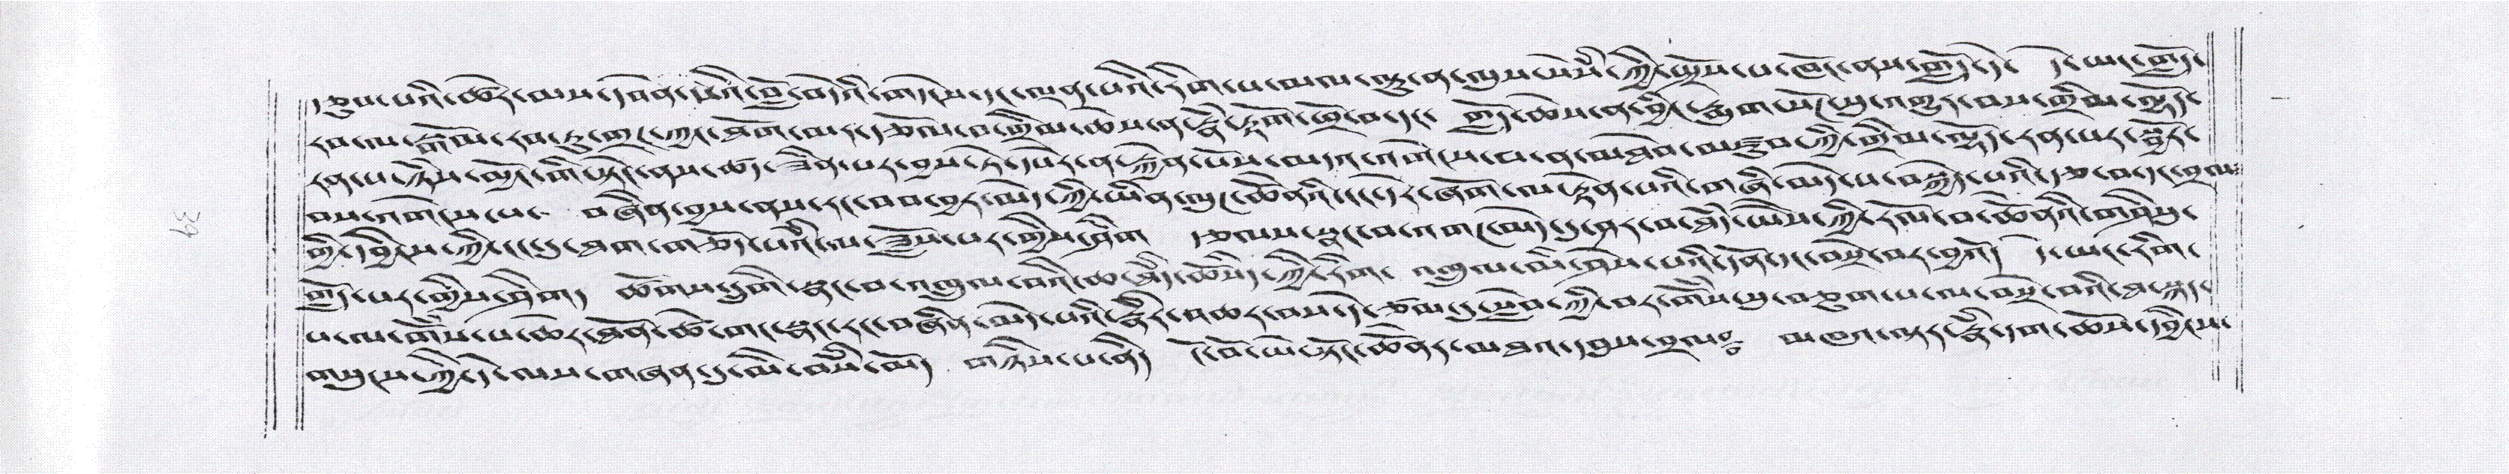རྩུབ་པའི་ཚེར་མས་དབེན་པའི་བློ་བདེའི་གདེང་དང་ལྡན་པའི་རིག་པ་མལ་ལྟ་བུ་ན་ལུས་སེམས་ཀྱི་སྤྲོས་པ་ཁོང་ནས་གློད་དེ། དེ་ཡང་གློད་
རབ་ལ་སྒོམ་རབ་ཏུ་གྲགས་ཀྱང་ཐོག་མར་རྩོལ་བ་གྲིམ་ཆེས་ན་རྣམ་རྟོག་འཕྲོ་བ་དང་། གློད་ཆེས་ན་བྱིང་རྨུགས་སོགས་སུ་འགྱུར་བས་གྲིམས་ལྷོད་
རན་པ་ཉམས་མྱོང་གི་སྟེང་ནས་ཚད་ཟིན་པར་བྱས་ཏེ་དཔེར་ན་རྐྱེན་པོས་མདའ་འགེངས་པ་ན་མཐེབ་མཛུབ་ཀྱི་གྲིམ་ལྷོད་རན་པར་སྦྱོར་
བས་འགེངས་བཞིན་བྱས་ནས་རང་བབས་བྱར་མེད་ཀྱི་ཡིན་ལུགས་ཆེན་པོའི་ངང་དེར་ཞོག་ལ་རྟེན་པའི་གཞི་མེད་པ་བསྐྱེད་པའི་རྩ་མདངས་བྲལ་
གྱི་དབྱིངས་ཀྱི་ངང་དུ་ཐག་གཅོད་པའི་ལ་ཟློས་པར་གྱིས་ཤིག རྩལ་ལས་སྣང་བ་འགག་མེད་དུ་ཤར་བ་ཐམས་ཅད་ཡེ་ཤེས་ཀྱི་རོལ་པ་ཆེན་པོའི་གཤིས་སུ་
གློད་པར་གྱིས་ཤིག ཚོགས་དྲུག་གི་སྣང་བ་འཁྲུལ་པའི་ཆ་ཐམས་ཅད་ཆོས་ཉིད་ཀྱི་རིག་༼པ༽འཁྲུལ་མི་ཤེས་པའི་དོན་དང་བསྲེ་བར་བྱའོ། དེ་ཡང་རིག་
པ་ལ་གོམས་པ་ཆེར་ཐོན་ཚེ་གང་སྣང་རང་བཞིན་མེད་པའི་རྣམ་པར་འཆར་བས་དེ་ཙམ་དུ་སླེབས་ཀྱི་བར་གོམས་སུ་བཅུག་པ་ལ་བསྲེ་བའི་ཐ་སྙད་
གསུངས་ཀྱི་དེ་ལས་གཞན་དུ་མི་བསམ་མོ། གཉིས་པ་ནི། ངོ་བོ་ཡེ་སྟོང་ཆེན་པོར་མཐའ་དབུས་བྲལཿ མཁའ་ལྟར་རྣམ་དག་ཆོས་དབྱིངས་